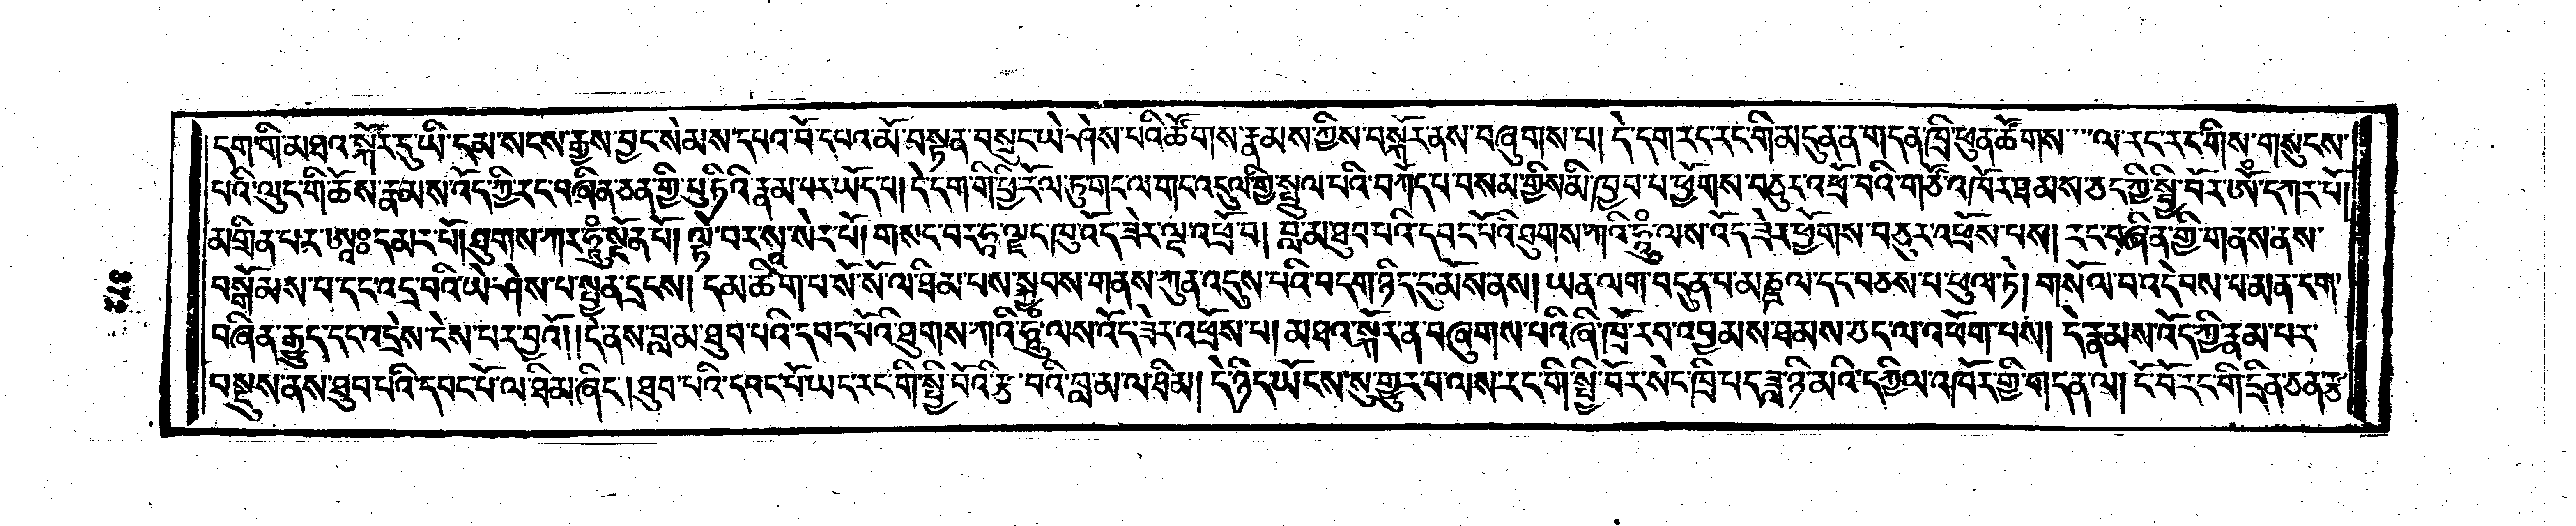དག་གི་མཐའ་སྐོར་དུ་ཡི་དམ་སངས་རྒྱས་བྱང་སེམས་དཔའ་བོ་དཔའ་མོ་བསྟན་བསྲུང་ཡེ་ཤེས་པའི་ཚོགས་རྣམས་ཀྱིས་བསྐོར་ནས་བཞུགས་པ། དེ་དག་རང་རང་གི་མདུན་ན་གདན་ཁྲི་ཕུན་ཚོགས་ལ་རང་རང་གིས་གསུངས་
པའི་ལུང་གི་ཆོས་རྣམས་འོད་ཀྱི་རང་བཞིན་ཅན་གྱི་པུ་ཏིའི་རྣམ་པར་ཡོད་པ། དེ་དག་གི་ཕྱི་རོལ་ཏུ་གང་ལ་གང་འདུལ་གྱི་སྤྲུལ་པའི་བཀོད་པ་བསམ་གྱིས་མི་ཁྱབ་པ་ཕྱོགས་བཅུར་འཕྲོ་བའི་གཙོ་འཁོར་ཐམས་ཅད་ཀྱི་སྤྱི་བོར་ཨོཾ་དཀར་པོ།
མགྲིན་པར་ཨཱཿ དམར་པོ། ཐུགས་ཀར་ཧཱུཾ་སྔོན་པོ། ལྟེ་བར་སྭཱ་སེར་པོ། གསང་བར་ཧཱ་ལྗང་ཁུ་འོད་ཟེར་ལྔ་འཕྲོ་བ། བླ་མ་ཐུབ་པའི་དབང་པོའི་ཐུགས་ཀའི་ཧཱུཾ་ལས་འོད་ཟེར་ཕྱོགས་བཅུར་འཕྲོས་པས། རང་བཞིན་གྱི་གནས་ནས་
བསྒོམས་པ་དང་འདྲ་བའི་ཡེ་ཤེས་པ་སྤྱན་དྲངས། དམ་ཚིག་པ་སོ་སོ་ལ་ཐིམ་པས་སྐྱབས་གནས་ཀུན་འདུས་པའི་བདག་ཉིད་དུ་མོས་ནས། ཡན་ལག་བདུན་པ་མཎྚལ་དང་བཅས་པ་ཕུལ་ཏེ། གསོལ་བ་འདེབས་པ་མན་ངག་
བཞིན་རྒྱུད་དང་འདྲེས་ངེས་པར་བྱའོ། །དེ་ནས་བླ་མ་ཐུབ་པའི་དབང་པོའི་ཐུགས་ཀའི་ཧཱུཾ་ལས་འོད་ཟེར་འཕྲོས་པ། མཐའ་སྐོར་ན་བཞུགས་པའི་ཞི་ཁྲོ་རབ་འབྱམས་ཐམས་ཅད་ལ་འཕོག་པས། དེ་རྣམས་འོད་ཀྱི་རྣམ་པར་
བསྡུས་ནས་ཐུབ་པའི་དབང་པོ་ལ་ཐིམ་ཞིང་། ཐུབ་པའི་དབང་པོ་ཡང་རང་གི་སྤྱི་བོའི་རྩ་བའི་བླ་མ་ལ་ཐིམ། དེ་ཉིད་ཡོངས་སུ་གྱུར་པ་ལས་རང་གི་སྤྱི་བོར་སེང་ཁྲི་པད་ཟླ་ཉི་མའི་དཀྱིལ་འཁོར་གྱི་གདན་ལ། ངོ་བོ་རང་གི་དྲིན་ཅན་རྩ་